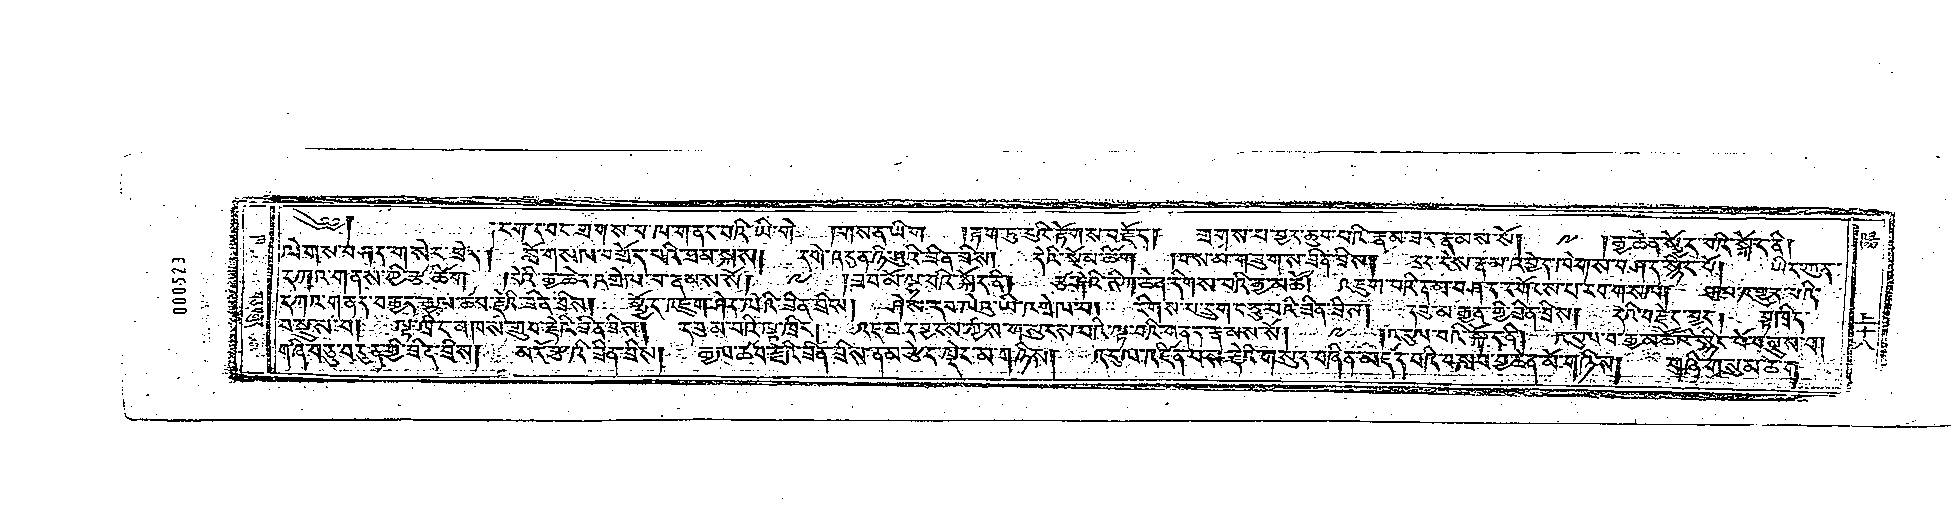༄༅། །ངག་དབང་ཕྲགས་པ་ལ་གནང་བའི་ཡི་གེ །གསན་ཡིག །རྟག་ཏུ་དུའི་རྟོགས་བརྗོད། གྲགས་པ་བྱང་ཆུབ་པའི་རྣམ་ཐར་རྣམས་སོ། ༧་།རྒྱ་ཆེན་སྤྱོད་བའི་སྐོང་ནི།
ལེགས་བཤད་གསེར་ཕྲེད། བློ་གསལ་བགྲོད་པའི་ཐིམ་སྐས། དགེ་འདུན་ཉི་ཤུའི་ཟིན་བྲིས། དེའི་སྡོམ་ཚིག །བསམ་གཟུགས་ཟིན་བྲིས། དྲན་ངེས་རྣམ་འབྱེད་ལེགས་བཤད་སྙིང་པོ། ཡིད་ཀུན་
དཀའ་གནས་ཀྱི་རྩ་ཚིག །དེའི་རྒྱ་ཆེར་འགྲེལ་པ་རྣམས་སོ། ༧་།ཟབ་མོ་ལྷ་བའི་སྐོར་ནི། རྩ་ཤེའི་ཊི་ཀ་ཆེན་རིགས་བའི་རྒྱ་མཚོ། འཇུག་བའི་རྣམ་བཤད་དགོངས་པ་རབ་གསལ། ཐལ་འགྱུར་པའི་
དཀའ་གནད་བརྒྱད་རྒྱལ་ཚབ་རྗེའི་ཟིན་བྲིས། སྤྱོད་འཇུག་ཤེར་ལེའི་ཟིན་བྲིས། ཤེས་རབ་ལེའུ་ཡི་འགྲེལ་བ། རིགས་པ་དྲུག་བཅུ་པའི་ཟིན་ཟིས། དབུ་མ་རྒྱན་གྱི་ཟིན་བྲིས། དེའི་བརྗེད་བྱང་། བྷ་ཁྲིད་
བསྡུས་པ། ལྟ་ཁྲིད་མཁས་གྲུབ་རྗེའི་ཟིན་བྲིས། དབུམ་པའི་ལྟ་ཁྲིད། འཇམ་དབྱངས་ཀྱིས་གསུངས་བའི་ལྟ་བའི་གནད་རྣམས་སོ། ༧་།འདུས་བའི་སྐད་ནི། འདུལ་བ་རྒྱ་མཚོའི་སྙིང་པོ་བསྡུས་པ།
གཞི་བཅུ་བདུན་གྱི་ཟིན་བྲིས། མངོ་རྩའི་ཟིན་བྲིས། རྒྱལ་ཚབ་རྗེའི་ཟིན་བྲིས་ནམ་རྩེར་ལྡེང་མ་གཉིས། འདུལ་འཛིན་བས་རྗེའི་གསུང་བཞིན་མཛད་པའི་བསླབ་བྱ་ཆེན་མོ་གཉིས། གཞི་གསུམ་ཆོ་ག་